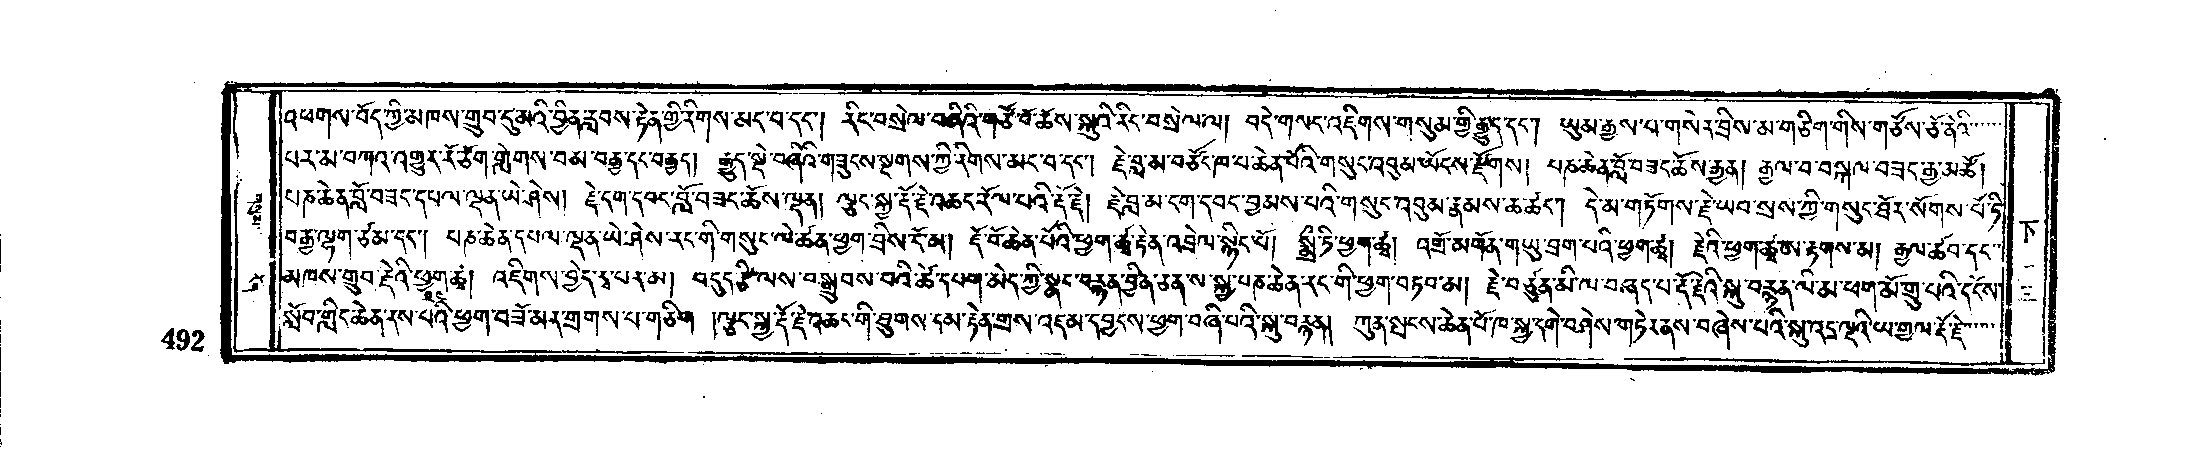འཕགས་བོད་ཀྱི་མཁས་གྲུབ་དུ་མའི་བྱིན་རླབས་རྟེན་གྱི་རིགས་མང་བ་དང་། རིང་བསྲེལ་བཞིའི་གཙོ་བོ་ཆོས་སྐུའི་རིང་བསྲེལ་ལ། བདེ་གསང་འཇིགས་གསུམ་གྱི་རྒྱུད་དང་། ཡུམ་རྒྱས་པ་གསེར་བྲིས་མ་གཅིག་གིས་གཙོས་ཅོ་ནེའི་
པར་མ་བཀའ་འགྱུར་རོ་ཅོག་གླེགས་བམ་བརྒྱ་དང་བརྒྱད། རྒྱུད་སྡེ་བཞིའི་གཟུངས་སྔགས་ཀྱི་རིགས་མང་བ་དང་། རྗེ་བླ་མ་བཙོང་ཁ་པ་ཆེན་པོའི་གསུང་འབུམ་ཡོངས་རྫོགས། པཎ་ཆེན་བློ་བཟང་ཆོས་རྒྱན། རྒྱལ་བ་བསྐལ་བཟང་རྒྱ་མཚོ།
པཎ་ཆེན་བློ་བཟང་དཔལ་ལྡན་ཡེ་ཤེས། རྗེ་ངག་དབང་བློ་བཟང་ཆོས་ལྡན། ལྕང་སྐྱ་རྡོ་རྗེ་འཆང་རོལ་པའི་རྡོ་རྗེ། རྗེ་བླ་མ་ངག་དབང་བྱམས་པའི་གསུང་འབུམ་རྣམས་ཆ་ཚང་། དེ་མ་གཏོགས་རྗེ་ཡབ་སྲས་ཀྱི་གསུང་ཐོར་སོགས་པོ་ཏི་
བརྒྱ་ལྷག་ཙམ་དང་། པཎ་ཆེན་དཔལ་ལྡན་ཡེ་ཤེས་རང་གི་གསུང་ལེ་ཚན་ཕྱག་བྲིས་ངོ་མ། ཇོ་བོ་ཆེན་པོའི་ཕྱག་ཚྭ་རྟེན་འབྲེལ་སྙིང་པོ། སྨྲྀ་ཏི་ཕྱག་ཚྭ། འགྲོ་མགོན་གཡུ་བྲག་པའི་ཕྱག་ཚྭ། རྗེའི་ཕྱག་ཚྭ་ཨ་རྟགས་མ། རྒྱལ་ཚབ་དང་
མཁས་གྲུབ་རྗེའི་ཕྱག ༠༤་ཚྭ། འཇིགས་བྱེད་རྭ་པར་མ། བདུད་རྩི་ལས་བསྒྲུབས་བའི་ཚེ་དཔག་མེད་ཀྱི་སྣང་བརྙན་བྱིན་ཅན་ས་སྐྱ་པཎ་ཆེན་རང་གི་ཕྱག་བཏབ་མ། རྗེ་བཙུན་མི་ལ་བཞད་པ་རྡོ་རྗེའི་སྐུ་བརྙན་ལི་མ་ཕག་མོ་གྲུ་པའི་དངོས་
སློབ་གླིང་ཆེན་རས་པའི་ཕྱག་བཟོ་མར་གྲགས་པ་གཅིག །ལྕང་སྐྱ་རྡོ་རྗེ་འཆང་གི་ཐུགས་དམ་རྟེན་གྲས་འཇམ་དབྱངས་ཕྱག་བཞི་བའི་སྐུ་བརྙན། ཀུན་སྤངས་ཆེན་པོ་ཁ་སྐྱ་དགེ་བཤེས་གཏེར་ནས་བཞེས་པའི་སྐུ་འདྲ་ལྔའི་ཡ་གྱལ་རྡོ་རྗེ་